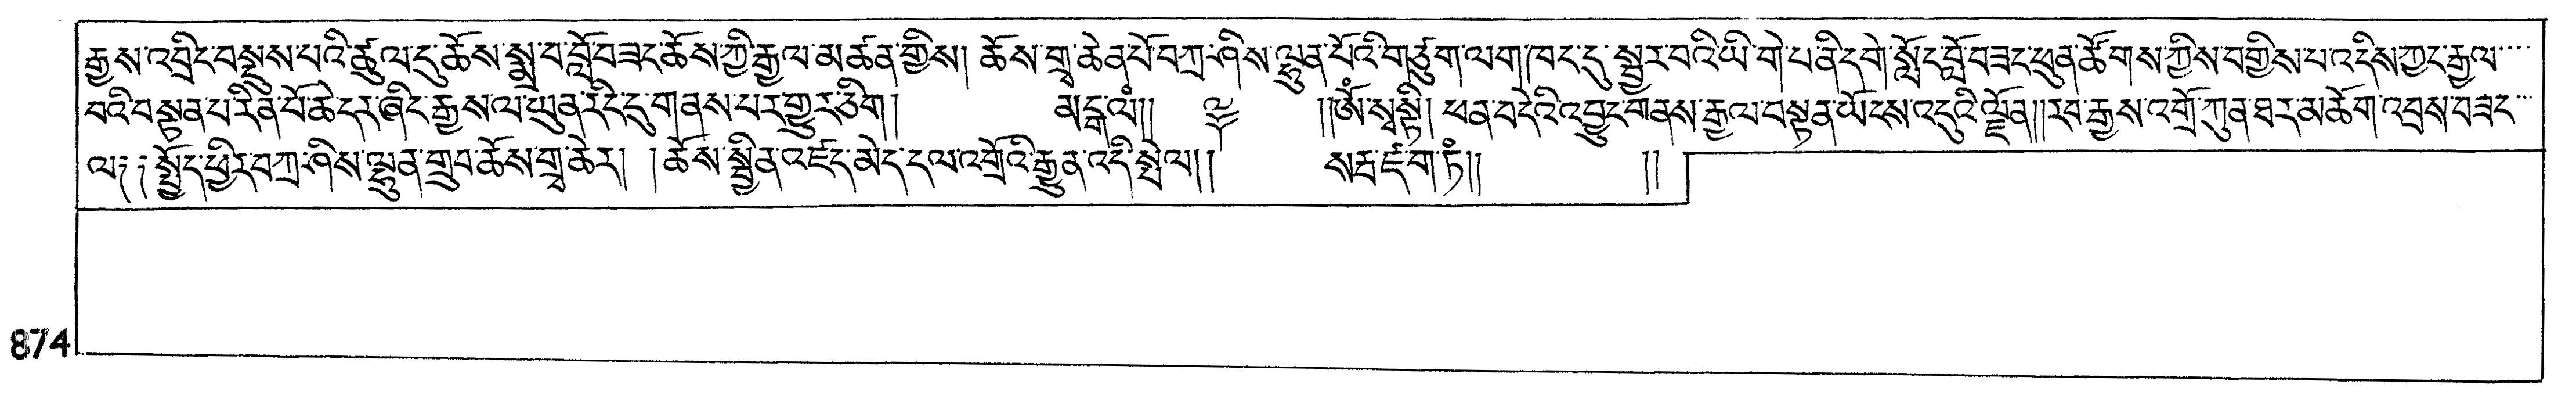རྒྱས་འབྲིང་བསྡུས་པའི་ཚུལ་དུ་ཆོས་སྨྲ་བ་བློ་བཟང་ཆོས་ཀྱི་རྒྱལ་མཚན་གྱིས། ཆོས་གྲྭ་ཆེན་པོ་བཀྲ་ཤིས་ལྷུན་པོའི་གཙུག་ལག་ཁང་དུ་སྦྱར་བའི་ཡི་གེ་པ་ནི་དགེ་སློང་བློ་བཟང་ཕུན་ཚོགས་ཀྱིས་བགྱིས་པ་འདིས་ཀྱང་རྒྱལ་
བའི་བསྟན་པ་རིན་པོ་ཆེ་དར་ཞིང་རྒྱས་ལ་ཡུན་རིང་དུ་གནས་པར་གྱུར་ཅིག །མངྒ་ལཾ།། ༈ །།ཨོཾ་སྭསྟི། ཕན་བདེའི་འབྱུང་གནས་རྒྱལ་བསྟན་ཡོངས་འདུའི་ལྗོན། །རབ་རྒྱས་འགྲོ་ཀུན་ཐར་མཆོག་འབྲས་བཟང་
ལ༑ ༑སྤྱོད་ཕྱིར་བཀྲ་ཤིས་ལྷུན་གྲུབ་ཆོས་གྲྭ་ཆེར། །ཆོས་སྦྱིན་འཛད་མེད་དལ་འགྲོའི་རྒྱུན་འདི་སྤེལ།། སརྦ་ཛ་ག་ཏཾ།། །།